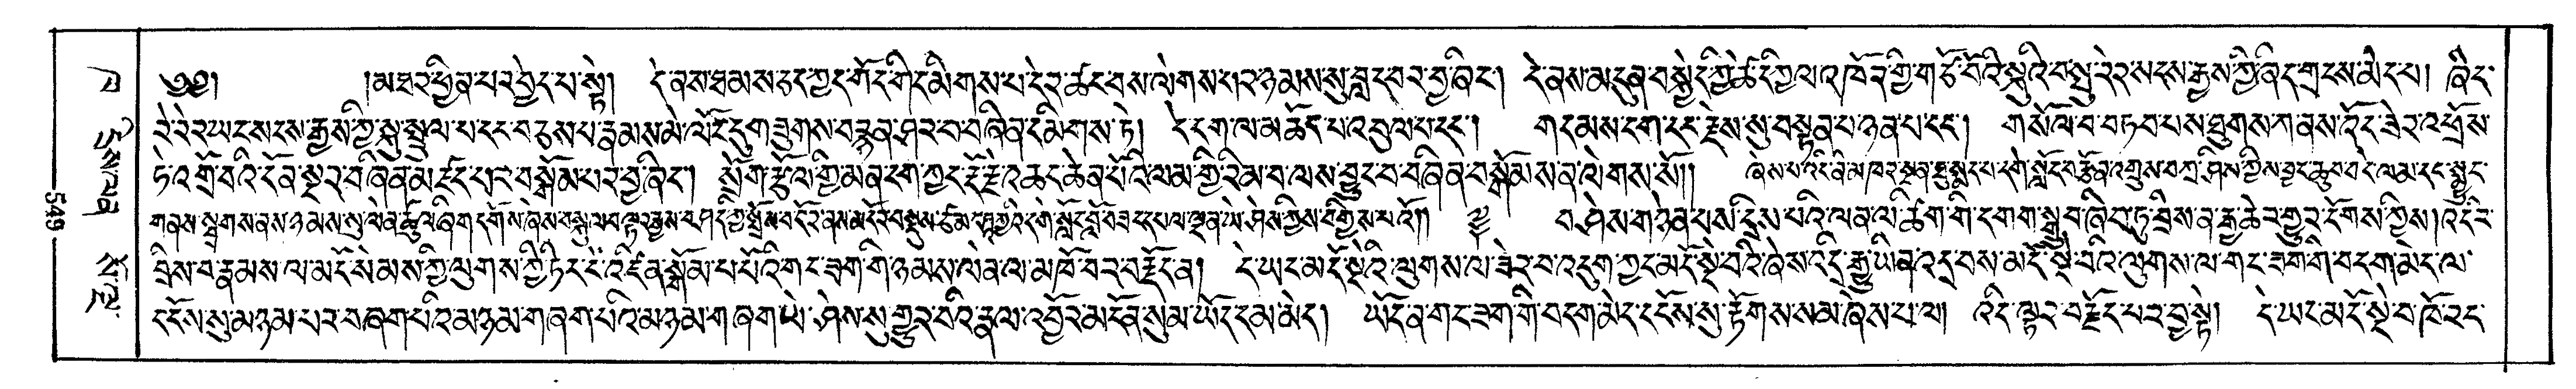༄༅། །མཐར་ཕྱིན་པར་བྱེད་པ་སྟེ། དེ་དག་ཐམས་ཅད་ཀྱང་གོང་གི་དམིགས་པ་དེར་ཚང་བས་ལེགས་པར་ཉམས་སུ་བླང་བར་བྱ་ཞིང་། དེ་ནས་མདུན་བསྐྱེད་ཀྱི་ཚེ་དཀྱིལ་འཁོར་གྱི་གཙོ་བོའི་སྐུའི་བ་སྤུར་རེར་སངས་རྒྱས་ཀྱི་ཞིང་གྲངས་མེད་པ། ཞིང་
རེ་རེར་ཡང་སངས་རྒྱས་ཀྱི་སྐུ་སྤྲུལ་པ་དང་བཅས་པ་རྣམས་མེ་ལོང་དུ་གཟུགས་བརྙན་ཤར་བ་བཞིན་དམིགས་ཏེ། དེ་དག་ལ་མཆོད་པ་འབུལ་བ་དང་། གདམས་ངག་དང་རྗེས་སུ་བསྟན་པ་ཉན་པ་དང་། གསོལ་བ་བཏབ་པས་ཐུགས་ཀ་ནས་འོད་ཟེར་འཕྲོས་
ཏེ་འགྲོ་བའི་དོན་སྔར་བཞིན་མཛད་པར་བསྒོམ་པར་བྱ་ཞིང་། སྲོག་རྩོལ་གྱི་མན་ངག་ཀྱང་རྡོ་རྗེ་འཆང་ཆེན་པོའི་ལམ་གྱི་རིམ་པ་ལས་བྱུང་བ་བཞིན་བསྒོམས་ན་ལེགས་སོ།། ཞེས་པ་འདི་ནི་མཁར་སྔན་ཐུ་སྨད་པ་དགེ་སློང་བརྩོན་འགྲུས་བཀྲ་ཤིས་ཀྱིས་བྱང་ཆུབ་བདེ་ལམ་དང་སྨྱུང་
གནས་སྦྲགས་ནས་ཉམས་སུ་ལེན་ཚུལ་ཞིག་དགོས་ཞེས་བསྐུལ་བ་ལྟར་རྒྱས་བཤད་ཀྱི་སྤྲོས་པ་ངོར་ནས་མདོར་བསྡུས་ཙམ་ཤཱཀྱའི་དགེ་སློང་བློ་བཟང་དཔལ་ལྡན་ཡེ་ཤེས་ཀྱིས་བགྱིས་པའོ།། ༈ བཤེས་གཉེན་པས་དྲིས་པའི་ལན་ལ་ཚིག་གི་དགག་སྒྲུབ་ཞིབ་ཏུ་བྲིས་ན་རྒྱ་ཆེར་གྱུར་དོགས་ཀྱིས། འདིར་
བྲིས་པ་རྣམས་ལ་མདོ་སེམས་ཀྱི་ལུགས་ཀྱི་ཏིང་ངེ་འཛིན་སྒོམ་པ་པོའི་གང་ཟག་གི་ཉམས་ལེན་ལ་མཁོ་བར་བརྗོད་ན། དེ་ཡང་མདོ་སྡེའི་ལུགས་ལ་ཟེར་བ་འདུག་ཀྱང་མདོ་སྡེ་པའི་ཞེས་འདྲི་རྒྱུ་ཡིན་འདྲ་བས་མདོ་སྡེ་པའི་ལུགས་ལ་གང་ཟག་གི་བདག་མེད་ལ་
དངོས་སུ་མཉམ་པར་བཞག་པའི་མཉམ་གཞག་པའི་མཉམ་གཞག་ཡེ་ཤེས་སུ་གྱུར་པའི་རྣལ་འབྱོར་མངོན་སུམ་ཡོད་དམ་མེད། ཡོད་ན་གང་ཟག་གི་བདག་མེད་དངོས་སུ་རྟོགས་སམ་ཞེས་པ་ལ། འདི་ལྟར་བརྗོད་པར་བྱ་སྟེ། དེ་ཡང་མདོ་སྡེ་པ་ཁོ་རང་